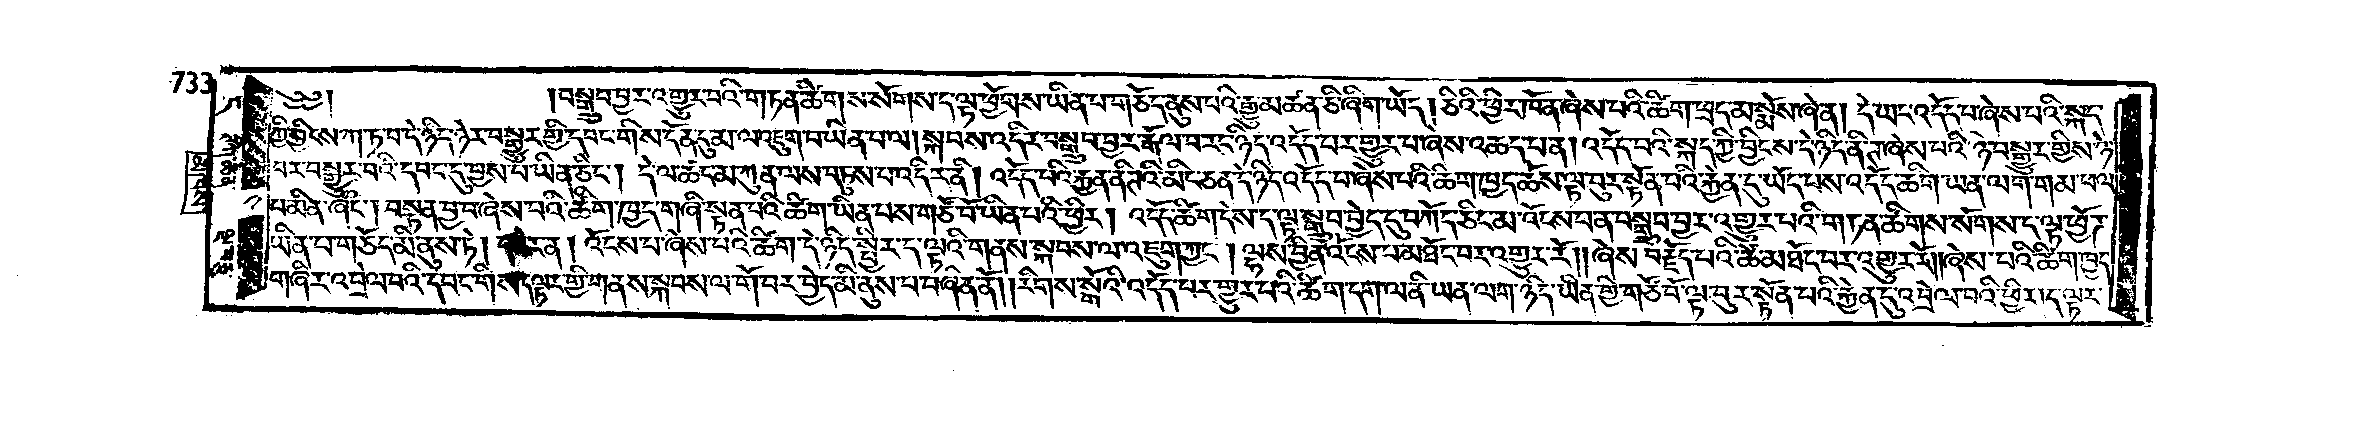༄༅། །བསྒྲུབ་བྱར་འགྱུར་བའི་གཏན་ཚིགས་སོགས་ད་ལྟ་ཕྱོས་ཡིན་པ་གཅོད་ནུས་པའི་རྒྱུ་མཚན་ཅི་ཞིག་ཡོད། ཅིའི་ཕྱིར་ཁོ་ན་ཞེས་པའི་ཚིག་ཕྲད་མ་སྨོས་ཞེས་ན། དེ་ཡང་འདོད་པ་ཞེས་པའི་སྐད་
ཀྱི་བྱིངས་ཀ་ཏ་བ་དེ་ཉིད་ཉེར་བསྒྱུར་གྱི་དབང་གིས་དོན་དུ་མ་ལ་འཇུག་པ་ཡིན་པ་ལ། སྐབས་འདིར་བསྒྲུབ་བྱ་རྒོལ་བ་རྣག་ཉིད་འདོད་པར་གྱུར་བ་ཞེས་འཆད་པ་ན། འདོད་པའི་སྐད་ཀྱི་བྱིངས་དི་ཉིད་ནི་ཊ་ཞེས་པའི་ཉེ་བསྒྱུར་གྱིས་ཉེ་
བར་བསྒྱུར་བའི་དབང་དུ་བྱས་པ་ཡིན་ཅིང་། དེ་ལ་ཚད་མ་ཀུན་ལས་བཏུས་པ་འདིར་ནི། འདོད་པའི་རྐྱེན་ནི་ཊའི་མིང་ཅན་དེ་ཉིད་འདོད་པ་ཞེས་པའི་ཆེག་ཁཡད་ཆོས་ལྟ་བུར་སྟོན་པའི་རྐྱེན་དུ་ཡོད་པས་འདོད་ཆིག་ཡན་ལག་གམ་ཕལ་
བ་མིན་ཞིང་། བསྟན་བྱ་བ་ཞེས་པའི་ཚིག་ཁཡད་གཞི་སྟན་པའི་ཚིག་ཡིན་པས་གཙོ་བོ་ཡིན་པའི་ཕྱིར། འདོད་ཚིག་དེས་ད་ལྟ་སྒྲུབ་བྱེད་དུ་བཀོད་ཅིང་མ་འོངས་པ་ན་བསྒྲུབ་བྱར་འགྱུར་བའི་གཏན་ཚིགས་སྒོས་ད་ལྟ་ཕྱོས་
ཡིན་པ་གཅོད་མི་ནུས་ཏེ། དཔེར་ན། འོངས་པ་ཞེས་པའི་ཚིག་དེ་ཉིད་སྤྱིར་ད་ལྟའི་གནས་སྐབས་ལ་འཇུག་ཀྱང་། ལྷས་བྱིན་འོངས་པ་མཐོང་བར་འགྱུར་རོ། །ཞེས་བརྗོད་པའི་ཚེ་མཐོང་བར་འགྱུར་རོ། །ཞེས་པའི་ཚིག་ཁྱད་
གཞིར་འབྲེལ་བའི་དབང་གིས་ད་ལྟར་གྱི་གནས་སྐབས་ལ་གོ་བར་བྱེད་མི་ནུས་པ་བཞིན་ནོ། །རིགས་སྒོའི་འདོད་པར་གྱུར་བའི་ཚིག་དག་ལ་ནི་ཡན་ལག་ཉིད་ཡིན་གྱི་གཙོ་བོ་ལྟ་བུར་སྟོན་པའི་རྐྱེན་དུ་འབྲེལ་བའི་ཕྱིར། ད་ལྟར་